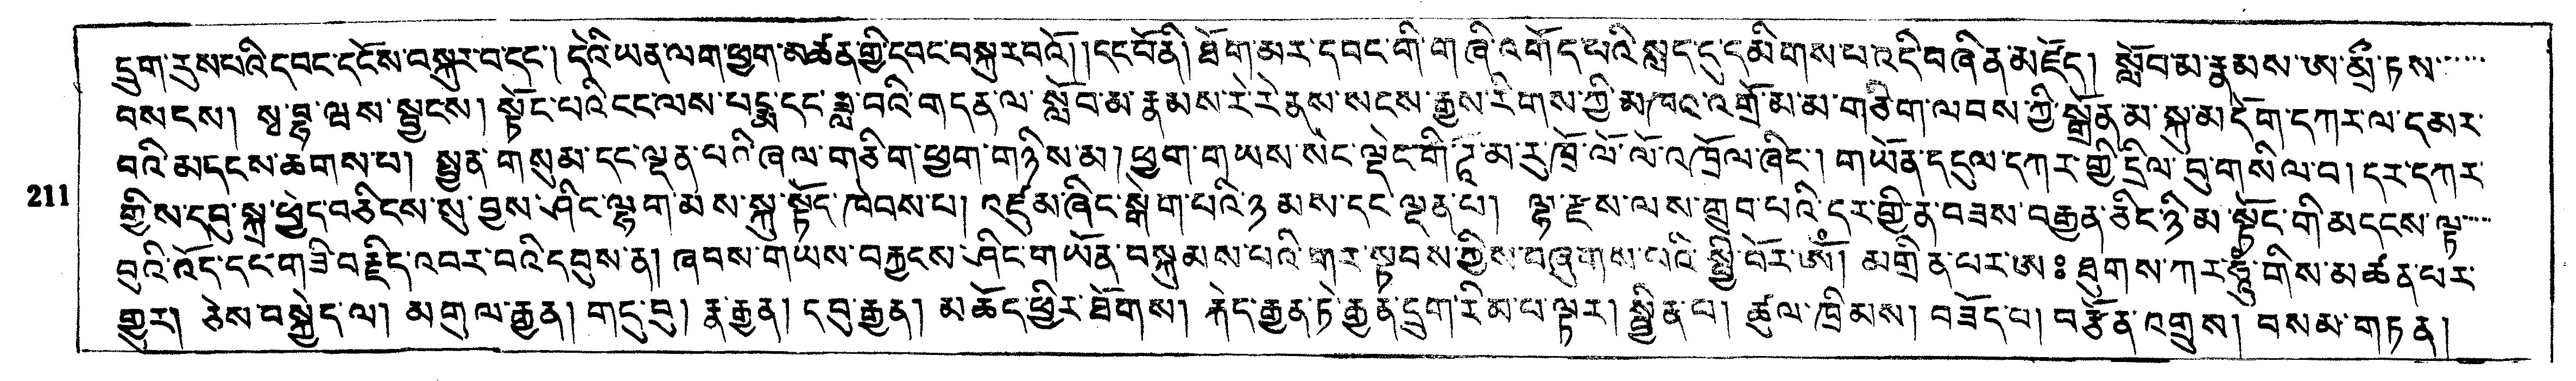དྲུག་རུས་པའི་དབང་དངོས་བསྐུར་བ་དང་། དེའི་ཡན་ལག་ཕྱག་མཚན་གྱི་དབང་བསྐུར་བའོ། །དང་པོ་ནི། ཐོག་མར་དབང་གི་གཞི་འགོད་པའི་སླད་དུ་དམིགས་པ་འདི་བཞིན་མཛོད། སློབ་མ་རྣམས་ཨ་མྲྀ་ཏས་
བསངས། སྭ་བྷ་ཝས་སྦྱངས། སྟོང་པའི་ངང་ལས་པདམ་དང་ཟླ་བའི་གདན་ལ་སློབ་མ་རྣམས་རེ་རེ་ནས་སངས་རྒྱས་རིགས་ཀྱི་མཁའ་འགྲོ་མ་མ་གཅིག་ལབས་ཀྱི་སྒྲོན་མ་སྐུ་མདོག་དཀར་ལ་དམར་
བའི་མདངས་ཆགས་པ། སྤྱན་གསུམ་དང་ལྡན་པའི་ཞལ་གཅིག་ཕྱག་གཉིས་མ། ཕྱག་གཡས་སེང་ལྡེང་གི་ཌཱ་མ་རུ་ཁྲོ་ལོ་ལོ་འཁྲོལ་ཞིང་། གཡོན་དངུལ་དཀར་གྱི་དྲིལ་བུ་གསིལ་བ། དར་དཀར་
གྱིས་དབུ་སྐྲ་ཕྱེད་བཅིངས་སུ་བྱས་ཤིང་ལྷག་མས་སྐུ་སྟོང་ཁེབས་པ། འཛུམ་ཞིང་སྒེག་པའི་ཉམས་དང་ལྡན་པ། ལྷ་རྫས་ལས་གྲུབ་པའི་དར་གྱི་ན་བཟས་བརྒྱན་ཅིང་ཉི་མ་སྟོང་གི་མདངས་ལྟ་
བུའི་འོད་དང་གཟི་བརྗིད་འབར་བའི་དབུས་ན། ཞབས་གཡས་བརྐྱངས་ཤིང་གཡོན་བསྐུམས་པའི་གར་སྟོབས་ཀྱིས་བཞུགས་པའི་སྤྱི་བོར་ཨོཾ། མགྲིན་པར་ཨཿ ཐུགས་ཀར་ཧཱུཾ་གིས་མཚན་པར་
གྱུར། ཅེས་བསྐྱེད་ལ། མགུལ་རྒྱན། གདུ་བུ། རྣ་རྒྱན། དབུ་རྒྱན། མཆོད་ཕྱིར་ཐོགས། རྐེད་རྒྱན་ཏེ་རྒྱན་དྲུག་རིམ་པ་ལྟར། སྦྱིན་པ། ཚུལ་ཁྲིམས། བཟོད་པ། བརྩོན་འགྲུས། བསམ་གཏན།